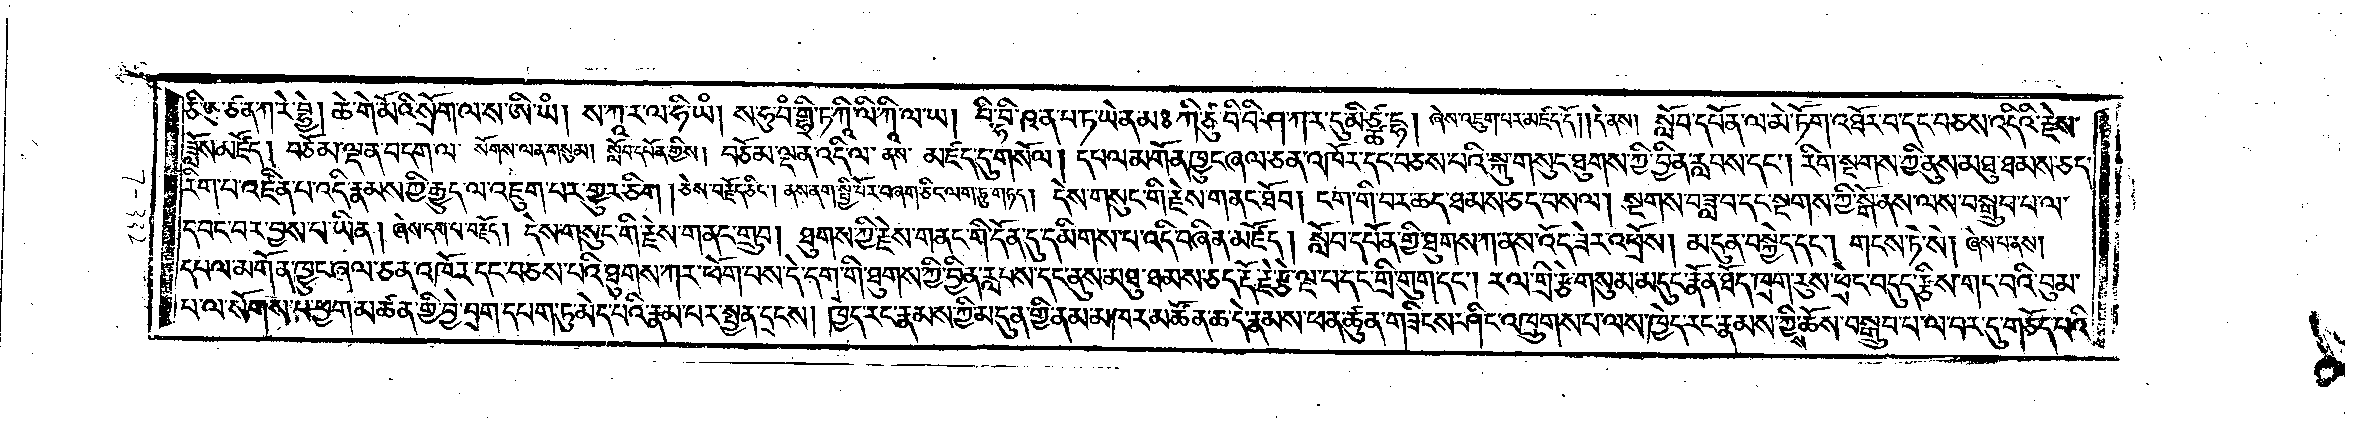ཅི་ཨུ་ཙན་ཀ་རེ་བྷྱེ། ཆེ་གེ་མོའི་སྲོག་ལས་ཨི་ཡཾ། ས་ཀཱ་ར་ལ་ཧི་ཡཾ། ས་ཧུ་བཾ་གྷྲི་ཏ་ཀཱི་ལི་ཀཱི་ལ་ཡ། བི་བྷི་ཥ་ན་པ་ཏ་ཡེ་ནམཿ ཀི་ཙུ་བི་བི་ཤ་ཀ་ར་དུ་མི་ཙྪ་དྷ། ཞེས་འཇུག་པར་མཛད་དོ། །དེ་ནས།  སློབ་དཔོན་ལ་མེ་ཏོག་འཐོར་བ་དང་བཅས་འདིའི་རྗེས་
ཟློས་མཛོད། བཅོམ་ལྡན་བདག་ལ་སོགས་ལན་གསུམ། སློབ་དཔོན་གྱིས།  བཅོམ་ལྡན་འདི་ལ་ནས་མཛད་དུ་གསོལ། དཔལ་མགོན་ཁྱུང་ཞལ་ཅན་འཁོར་དང་བཅས་པའི་སྐུ་གསུང་ཐུགས་ཀྱི་བྱིན་རླབས་དང་། རིག་སྔགས་ཀྱི་ནུས་མཐུ་ཐམས་ཅད་
རིག་པ་འཛིན་པ་འདི་རྣམས་ཀྱི་རྒྱུད་ལ་འཇུག་པར་གྱུར་ཅིག་།ཅེས་བརྗོད་ཅིང་། ནས་ནག་སྤྱི་བོར་བཞག་ཅིང་ལག་ཏུ་གཏད།  དེས་གསུང་གི་རྗེས་གནང་ཐོབ། ངག་གི་བར་ཆད་ཐམས་ཅད་བསལ། སྔགས་བཟླ་བ་དང་སྔགས་ཀྱི་སྒོ་ནས་ལས་བསྒྲུབ་པ་ལ་
དབང་བར་བྱས་པ་ཡིན། ཞེས་དག་པ་བརྗོད།  དེས་གསུང་གི་རྗེས་གནང་གྲུབ། ཐུགས་ཀྱི་རྗེས་གནང་གི་དོན་དུ་དམིགས་པ་འདི་བཞིན་མཛོད། སློབ་དཔོན་གྱི་ཐུགས་ཀ་ནས་འོད་ཟེར་འཕྲོས། མདུན་བསྐྱེད་དང་། གངས་ཏེ་སེ། ཞེས་པ་ནས།
དཔལ་མགོན་ཁྱུང་ཞལ་ཅན་འཁོར་དང་བཅས་པའི་ཐུགས་ཀར་ཕོག་པས་དེ་དག་གི་ཐུགས་ཀྱི་བྱིན་རླབས་དང་ནུས་མཐུ་ཐམས་ཅད་རྡོ་རྗེ་རྩེ་ལྔ་པ་དང་གྲི་གུག་དང་། རལ་གྲི་རྩེ་གསུམ་མདུང་རྣོན་ཐོད་ཁྲག་རུས་ཕྲེང་བདུད་རྩིས་གང་བའི་བུམ་
པ་ལ་སོགས་པ་ཕྱག་མཚན་གྱི་བྱེ་བྲག་དཔག་ཏུ་མེད་པའི་རྣམ་པར་སྤྱན་དྲངས། ཁྱེད་རང་རྣམས་ཀྱི་མདུན་གྱི་ནམ་མཁར་མཚོན་ཆ་དེ་རྣམས་ཕན་ཚུན་གཟིངས་ཤིང་འཁྲུགས་པ་ལས་ཁྱེད་རང་རྣམས་ཀྱིས་ཆོས་བསྒྲུབ་པ་ལ་བར་དུ་གཅོད་པའི་